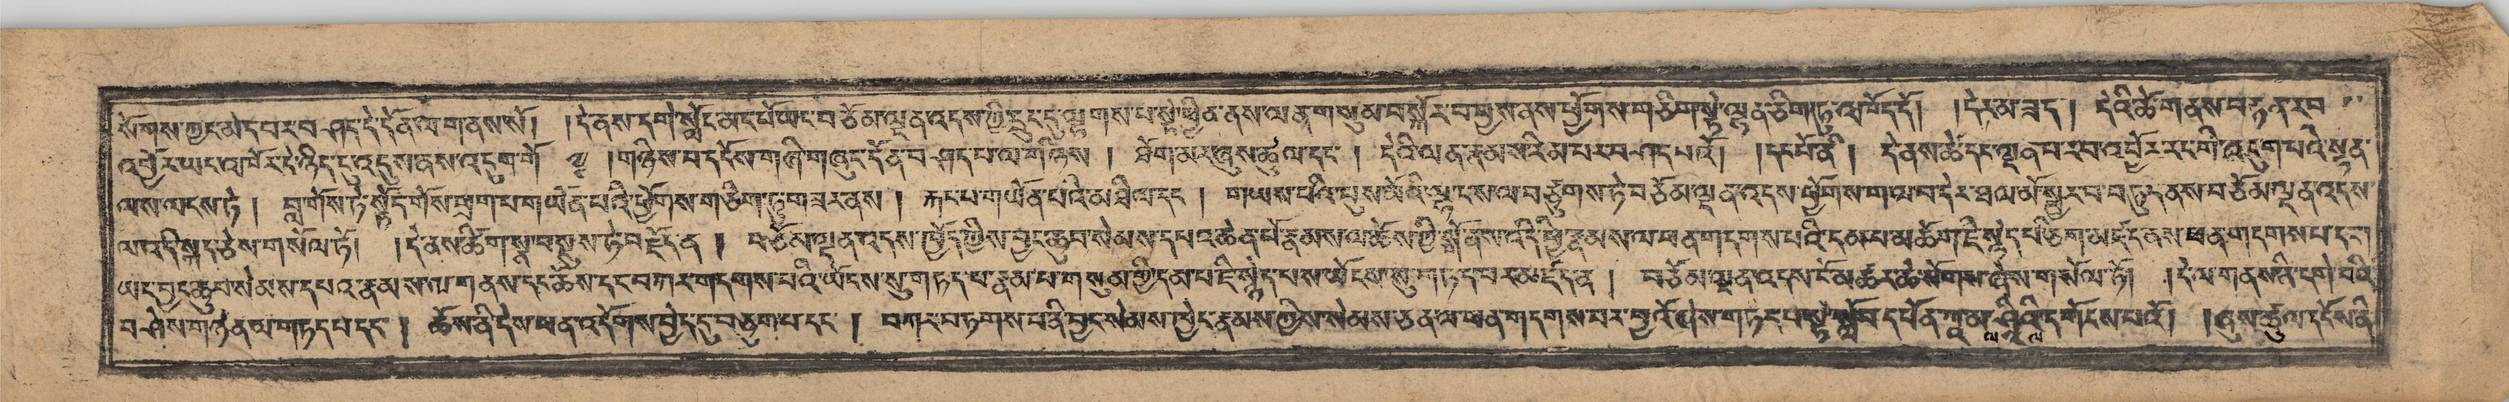སོགས་ཀྱང་མེད་པར་བཤད་དེ་དོན་ལ་གནས་སོ། །དེ་ནས་དགེ་སློང་མང་པོ་ཡང་བཅོམ་ལྡན་འདས་ཀྱི་དྲུང་དུ་ལྷ་གྲས་པ་སྟེ་ཕྱིན་ནས་ལན་གསུམ་བསྐོར་བ་བྱས་ནས་ཕྱོགས་གཅིག་སྟེ་ལྷན་ཅིག་ཏུ་འཁོད་དོ། །དེར་མ་ཟད། དེའི་ཚེ་གནས་བརྟན་རབ་
འབྱོར་ཡང་འཁོར་དེ་ཉིད་དུ་འདུས་ནས་འདུག་གོ ༈ །གཉིས་པ་དངོས་གཞི་གཞུང་དོན་བཤད་པ་ལ་གཉིས། ཐོག་མར་ཞུས་ཚུལ་དང་། དེའི་ལན་རྣམས་རིམ་པར་བཤད་པའོ། །དང་པོ་ནི། དེ་ནས་ཚེ་དང་ལྡན་པ་རབ་འབྱོར་རང་གི་འདུག་པའི་སྟན་
ལས་ལངས་ཏེ། བླ་གོས་ཏེ་སྟོད་གོས་ཕྲག་པ་གཡོན་པའི་ཕྱོགས་གཅིག་ཏུ་གཟར་ནས། རྐང་པ་གཡོན་པའི་མཐིལ་དང་། གཡས་པའི་པུས་མོའི་ལྷ་ངས་ལ་བཙུགས་ཏེ་བཅོམ་ལྡན་འདས་ཕྱོགས་ག་ལ་བ་དེར་ཐལ་མོ་སྦྱར་བ་བཏུད་ནས་བཅོམ་ལྡན་འདས་
ལ་འདི་སྐད་ཅེས་གསོལ་ཏོ། །དེ་ནས་ཚིག་སྣ་བསྡུས་ཏེ་བརྗོད་ན། བཅོམ་ལྡན་འདས་ཁྱོད་ཀྱིས་བྱང་ཆུབ་སེམས་དཔའ་ཆེན་པོ་རྣམས་ལ་ཆོས་ཀྱི་སྒོ་ནས་འདི་ཕྱི་རྣམས་ལ་ཕན་གདགས་པའི་དམ་པ་མཆོག་ཇི་སྙེད་པ་ཅིག་མཛད་ནས་ཕན་གདགས་པ་དང་།
ཡང་བྱང་ཆུབ་སེམས་དཔའ་རྣམས་ལ་གནས་དང་ཆོས་དང་བཀར་གདགས་པའི་ཡོངས་སུ་གཏད་པ་རྣམ་པ་གསུམ་གྱི་དམ་པ་ཇི་སྙེད་པས་ཡོངས་སུ་གཏད་པར་མཛད་ན། བཅོམ་ལྡན་འདས་ངོ་མཚར་ཆེ་སོགས་ཞེས་གསོལ་ཏོ། །དེ་ལ་གནས་ནི་དགེ་བའི་
བཤེས་གཉེན་ལ་གཏད་པ་དང་། ཆོས་ནི་དེས་ཕན་འདོགས་བྱེད་དུ་བཅུག་པ་དང་། བཀར་བཏགས་པ་ནི་བྱང་སེམས་ཁྱེད་རྣམས་ཀྱིས་སེམས་ཅན་ལ་ཕན་གདགས་པར་བྱའོ་ཞེས་གཏད་པ་སྟེ་སློབ་དཔོན་ཀཱ་མ་ཤཱིའི་དགོངས་པའོ། །ཞུས་ཚུལ་དངོས་ནི་